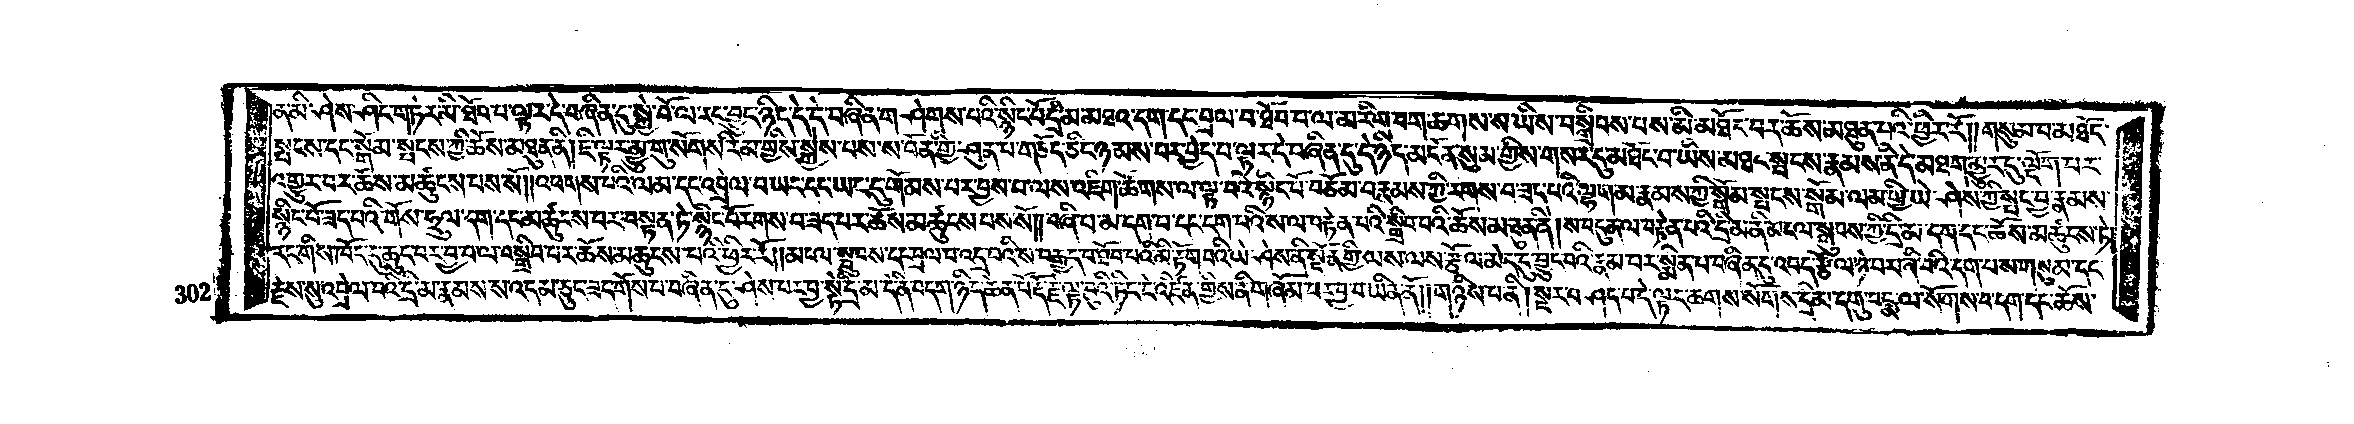ན་མི་ཤེས་ཤིང་གཏེར་མི་ཐོབ་པ་ལྟར་དེ་བཞིན་དུ་སྐྱེ་བོ་ལ་རང་བྱུང་ཉིད་དེ་དེ་བཞིན་གཤེགས་པའི་སྙིང་པོ་དྲི་མ་མཐའ་དག་དང་བྲལ་བ་ཐོབ་པ་ལ་མ་རིག་བག་ཆགས་ས་ཡིས་བསྒྲིབས་པས་མི་མཐོང་བར་ཆོས་མཐུན་པའི་ཕྱིར་རོ། །གསུམ་པ་མཐོང་
སྤངས་དང་སྒོམ་སྤངས་ཀྱི་ཆོས་མཐུན་ནི། ཇི་ལྟར་མྱུ་གུ་སོགས་རིམ་གྱིས་སྐྱེས་པས་ས་བོན་གྱི་ཤུན་པ་གཅོད་ཅིང་ཉམས་པར་བྱེད་པ་ལྟར་དེ་བཞིན་དུ་དེ་ཉིད་མངོན་སུམ་གྱིས་གསར་དུ་མཐོང་བ་ཡིས་མཐང་སྤངས་རྣམས་ནི་དེ་མཐག་མྱུར་དུ་ལྡོག་པར་
འགྱུར་བར་ཆོས་མཚུངས་པས་སོ། །འཕགས་པའི་ལམ་དང་འབྲེལ་པ་ཡང་དང་ཡང་དུ་གོམས་པར་བྱས་པ་ལས་འཇིག་ཚོགས་ལ་ལྟ་བའི་སྙིང་པོ་བཅོམ་པ་རྣམས་ཀྱི་རགས་པ་ཟད་པའི་ལྷག་མ་རྣམས་ཀྱི་སྒོམ་སྤངས་སྒོམ་ལམ་གྱི་ཡེ་ཤེས་ཀྱི་སྤང་བྱ་རྣམས་
སྙིང་པོ་ཟད་པའི་གོས་ཧྲུལ་དག་དང་མཚུངས་པར་བསྟན་ཏེ་སྙིང་པོ་རགས་པ་ཟད་པར་ཆོས་མཚུངས་པས་སོ། །བཞི་པ་མ་དག་པ་དང་དག་པའི་ས་ལ་བརྟེན་པའི་སྒྲིབ་པའི་ཆོས་མཐུན་ནི། ས་བདུན་ལ་བརྟེན་པའི་དྲི་མ་ནི་མངལ་སྒྲུབས་ཀྱི་དྲི་མ་དག་དང་ཆོས་མཚུངས་ཏེ།
རང་གིས་ཁོང་དུ་ཆུད་པར་བྱ་བ་ལ་བསྒྲིབ་པར་ཆོས་མཚུངས་པའི་ཕྱིར་རོ། །མངལ་སྦུབས་དང་བྲལ་བ་འདྲ་བའི་ས་བརྒྱད་པ་ཐོབ་པའི་མི་རྟོག་པའི་ཡེ་ཤེས་ནི་སྔོན་གྱི་ལས་ལས་རྩོལ་མེད་དུ་བྱུང་བའི་རྣམ་པར་སྨིན་པ་བཞིན་དུ་འབད་རྩོལ་ཉེ་བར་ཞི་བའི་དག་པས་གསུམ་དང་
རྗེས་སུ་འབྲེལ་པའི་དྲི་མ་རྣམས་ས་འདམ་ཅུང་ཟད་གོས་པ་བཞིན་དུ་ཤེས་པར་བྱ་སྟེ་དྲི་མ་དེ་ནི་བདག་ཉིད་ཆེན་པོ་རྡོ་རྗེ་ལྟ་བུའི་ཏིང་ངེ་འཛིན་གྱིས་ནི་གཞོམ་པར་བྱ་བ་ཡིན་ནོ། །གཉིས་པ་ནི། སྔར་བཤད་པ་དེ་ལྟར་ཆགས་སོགས་དྲི་མ་དགུ་པདམ་ལ་སོགས་པ་དག་དང་ཆོས་